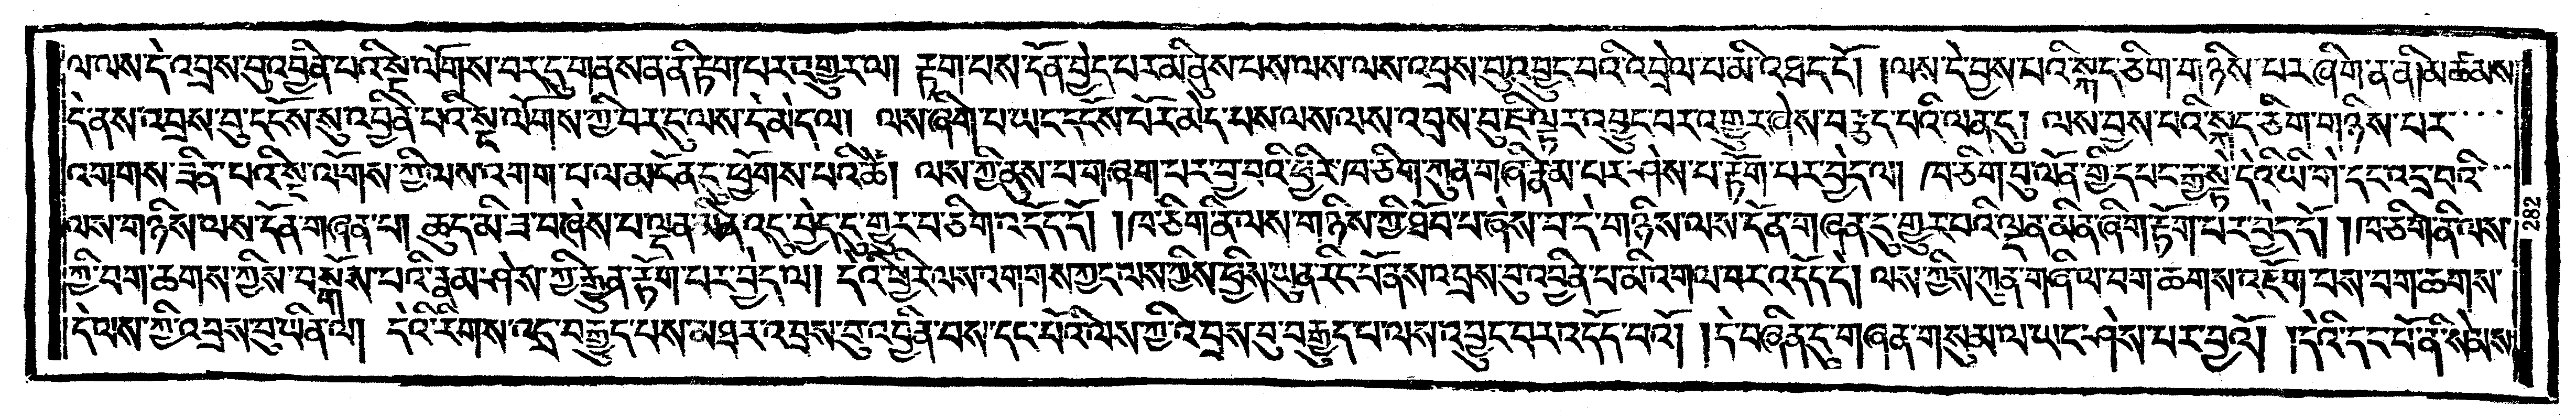ལ་ལས་དེ་འབྲས་བུ་འབྱིན་པའི་སྔ་ལོགས་བར་དུ་གནས་ན་ནི་རྟག་པར་འགྱུར་ལ། རྟག་པས་དོན་བྱེད་པར་མི་ནུས་པས་ལས་ལས་འབྲས་བུ་འབྱུང་བའི་འབྲེལ་པ་མི་འཐད་དོ། །ལས་དེ་བྱས་པའི་སྐད་ཅིག་གཉིས་པར་ཞིག་ན་ནི། མཚམས་
དེ་ནས་འབྲས་བུ་དངོས་སུ་འབྱིན་པའི་སྔ་ལོགས་ཀྱི་བར་དུ་ལས་དེ་མེད་ལ། ལས་ཞིག་པ་ཡང་དངོས་པོར་མེད་པས་ལས་ལས་འབྲས་བུ་ཇི་ལྟར་འབྱུང་བར་འགྱུར་ཞེས་བརྩད་པའི་ལན་དུ། ལས་བྱས་པའི་སྐད་ཅིག་གཉིས་པར་
འགགས་ཟིན་པའི་སྔ་ལོགས་ཀྱི་ལས་འགག་པ་ལ་མངོན་དུ་ཕྱོགས་པའི་ཚེ། ལས་ཀྱི་ནུས་པ་གཞག་པར་བྱ་བའི་ཕྱིར་ཁ་ཅིག་ཀུན་གཞི་རྣམ་པར་ཤེས་པ་རྟོག་པར་བྱེད་ལ། ཁ་ཅིག་བུ་ལོན་གྱི་དབང་རྒྱ་སྟེ་དེའི་ཡི་གེ་དང་འདྲ་བའི་
ལས་གཉིས་ལས་དོན་གཞན་པ། ཆུད་མི་ཟ་བ་ཞེས་པ་ལྡན་མིན་འདུ་བྱེད་དུ་གྱུར་པ་ཅིག་འདོད་དོ། །ཁ་ཅིག་ནི་ལས་གཉིས་ཀྱི་ཐོབ་པ་ཞེས་པ་དེ་གཉིས་ལས་དོན་གཞན་དུ་གྱུར་པའི་ལྡན་མིན་ཞིག་རྟོག་པར་བྱེད་དོ། །ཁ་ཅིག་ནི་ལས་
ཀྱི་བག་ཆགས་ཀྱིས་བསྒོས་པའི་རྣམ་ཤེས་ཀྱི་རྒྱུན་རྟོག་པར་བྱེད་ལ། དེའི་ཕྱིར་ལས་འགགས་ཀྱང་ལས་ཀྱིས་ཕྱིས་ཡུན་རིང་པོ་ནས་འབྲས་བུ་འབྱིན་པ་མི་འགལ་པར་འདོད་དེ། ལས་ཀྱིས་ཀུན་གཞི་ལ་བག་ཆགས་འཇོག་པས་བག་ཆགས་
དེ་ལས་ཀྱི་འབྲས་བུ་ཡིན་ལ། དེའི་རིགས་འདྲ་བརྒྱུད་པས་མཐར་འབྲས་བུ་འབྱིན་པས་དང་པོའི་ལས་ཀྱི་འབྲས་བུ་བརྒྱུད་པ་ལས་འབྱུང་བར་འདོད་པའོ། །དེ་བཞིན་དུ་གཞན་གསུམ་ལ་ཡང་ཤེས་པར་བྱའོ། །དེའི་དང་པོ་ནི་སེམས་